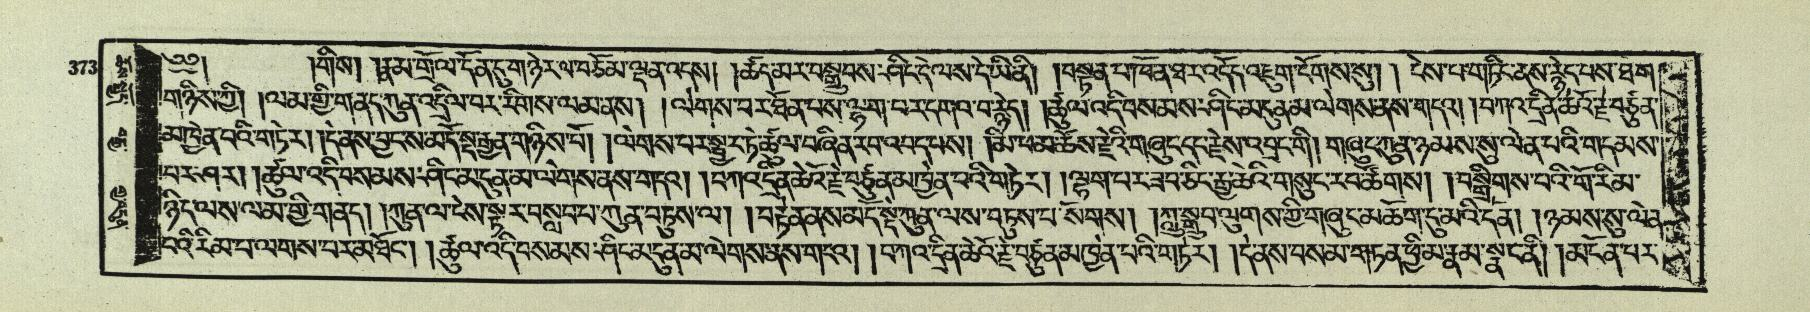༄༅། །གིས། །རྣམ་གྲོལ་དོན་དུ་གཉེར་ལ་བཅོམ་ལྡན་འདས། །ཚད་མར་བསྒྲུབས་ཤིང་དེ་ལས་དེ་ཡི་ནི། །བསྟན་པ་ཁོ་ན་ཐར་འདོད་འཇུག་ངོགས་སུ། །ངེས་པ་གཏིང་ནས་རྙེད་པས་ཐག་
གཉིས་ཀྱི། །ལམ་གྱི་གནད་ཀུན་འདྲིལ་བར་རིགས་ལམ་ནས། །ལེགས་བར་ཐོན་པས་ལྷག་པར་དགའ་བ་རྙེད། །ཚུལ་འདི་བསམས་ཤིང་མདུན་མ་ལེགས་ནས་གདའ། །བཀའ་དྲིན་ཆེའོ་རྗེ་བཙུན་
མཁྱེན་པའི་གཏེར། །དེ་ནས་བྱང་ས་མདོ་སྔ་རྒྱན་གཉིས་པོ། །ལེགས་པར་སྦྱར་ཏེ་ཚུལ་བཞིན་རབ་འབད་པས། །མི་ཕམ་ཆོས་རྗེའི་གཞུང་དང་རྗེས་འབྲང་གི། །གཞུང་ཀུན་ཉམས་སུ་ལེན་པའི་གདམས་
པར་ཤར། །ཚུལ་འདི་བསམས་ཤིང་མདུན་མ་ལེགས་ནས་གདའ། །བཀའ་དྲིན་ཆེའོ་རྗེ་བཙུན་མཁྱེན་པའི་གཏེར། །ལྷག་པར་ཟབ་ཅིང་རྒྱ་ཆེའི་གསུང་རབ་ཚོགས། །བསྒྲིགས་པའི་གོ་རིམ་
ཉིད་ལས་ལམ་གྱི་གནད། །ཀུན་ལ་ངེས་ལྟར་བསླབ་པ་ཀུན་བཏུས་ལ། །བརྟེན་ནས་མདོ་སྡེ་ཀུན་ལས་བཏུས་པ་སོགས། །ཀླུ་སྒྲུབ་ལུགས་ཀྱི་གཞུང་མཆོག་དུ་མའི་དོན། །ཉམས་སུ་ལེན་
པའི་རིམ་པ་ལགས་པར་མཐོང་། །ཚུལ་འདི་བསམས་ཤིང་མདུན་མ་ལེགས་ནས་གདའ། །བཀའ་དྲིན་ཆེའོ་རྗེ་བཙུན་མཁྱེན་པའི་གཏེར། །དེ་ནས་བསམ་གཏན་ཕྱི་མ་རྣམ་སྣང་ནི། །མངོན་པར་